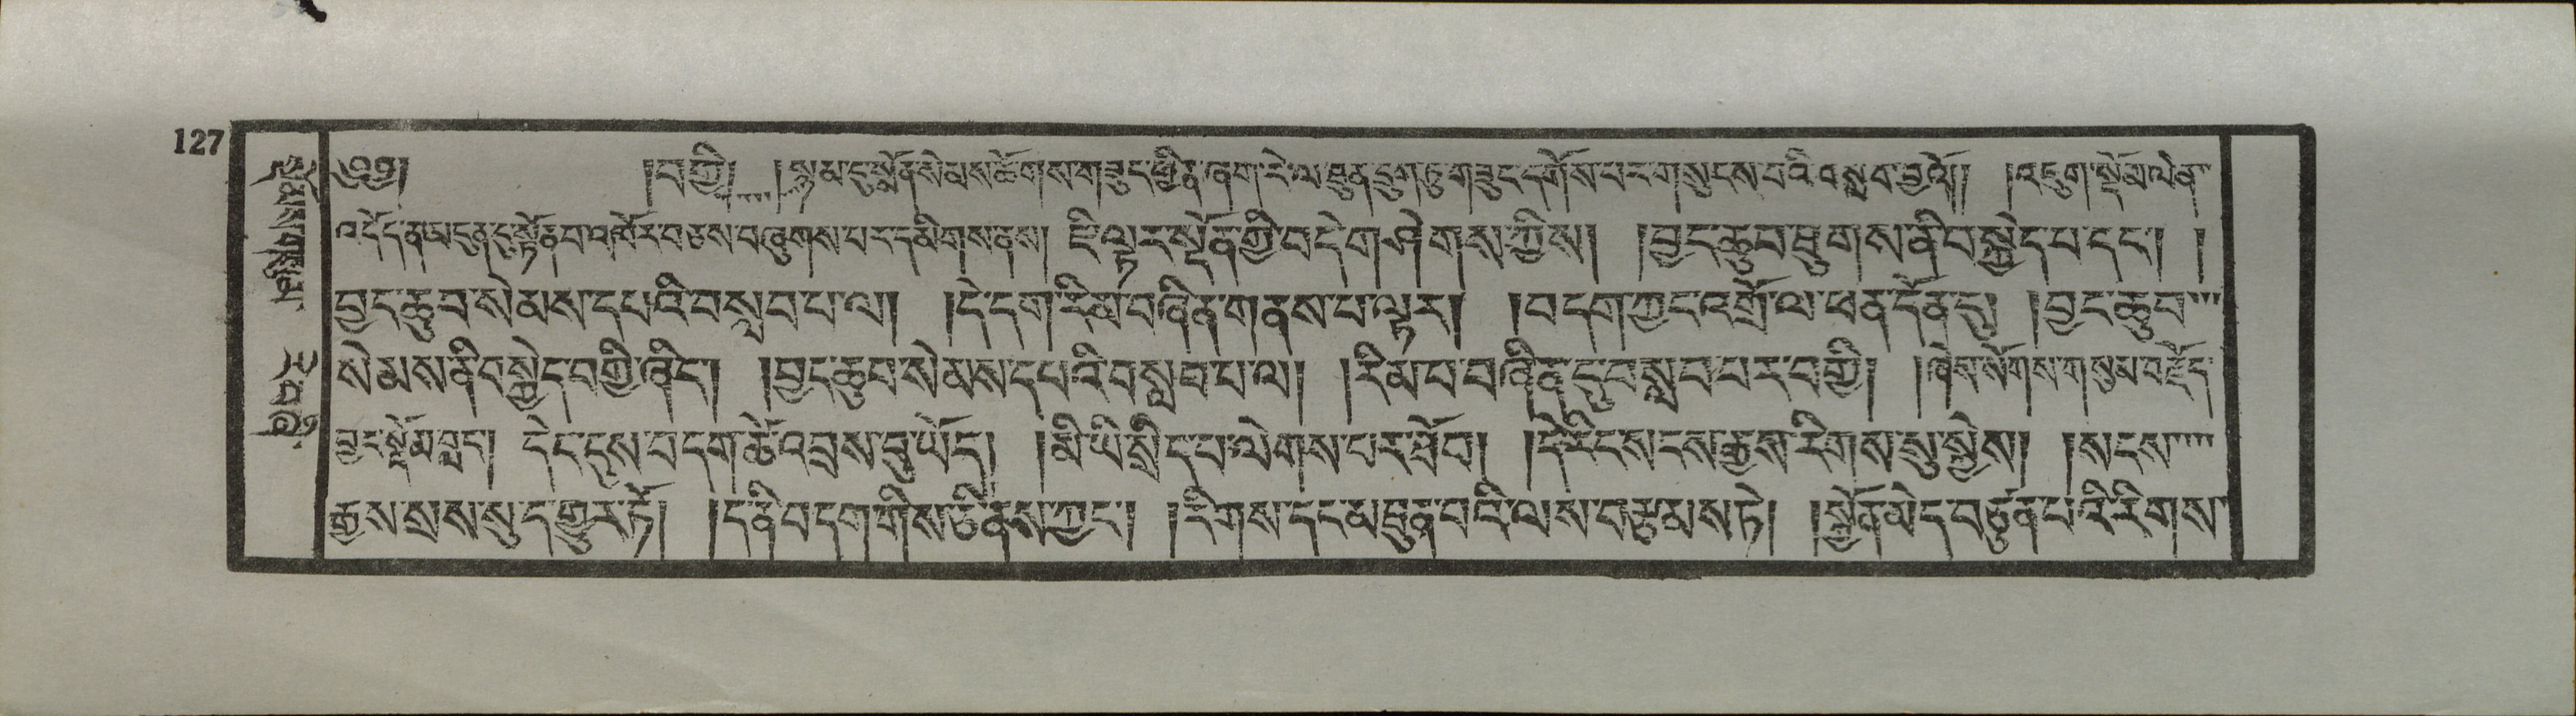༄༅། །བགྱི། །སྙམ་དུ་སྨོན་སེམས་ཆོ་གས་གཟུང་ཕྱིན་ཞག་རེ་ལ་ཐུན་དྲུག་ཏུ་གཟུང་དགོས་པར་གསུངས་པའི་བསླབ་བྱའོ།། །འཇུག་སྡོམ་ལེན་
འདོད་ན་མདུན་དུ་སྟོན་པ་འཁོར་བཅས་བཞུགས་པར་དམིགས་ནས། ཇི་ལྟར་སྔོན་གྱི་བདེ་གཤེགས་ཀྱིས། །བྱང་ཆུབ་ཐུགས་ནི་བསྐྱེད་པ་དང་། །
བྱང་ཆུབ་སེམས་དཔའི་བསླབ་པ་ལ། །དེ་དག་རིམ་བཞིན་གནས་པ་ལྟར། །བདག་ཀྱང་འགྲོ་ལ་ཕན་དོན་དུ། །བྱང་ཆུབ་
སེམས་ནི་བསྐྱེད་བགྱི་ཞིང་། །བྱང་ཆུབ་སེམས་དཔའི་བསླབ་པ་ལ། །རིམ་པ་བཞིན་དུ་བསླབ་པར་བགྱི། །ཞེས་སོགས་གསུམ་བརྗོད་
བྱང་སྡོམ་བླང་། དེང་དུས་བདག་ཚེ་འབྲས་བུ་ཡོད། །མི་ཡི་སྲིད་པ་ལེགས་པར་ཐོབ། །དེ་རིང་སངས་རྒྱས་རིགས་སུ་སྐྱེས། །སངས་
རྒྱས་སྲས་སུ་ད་གྱུར་ཏོ། །ད་ནི་བདག་གིས་ཅི་ནས་ཀྱང་། །རིགས་དང་མཐུན་པའི་ལས་བརྩམས་ཏེ། །སྐྱོན་མེད་བཙུན་པའི་རིགས་